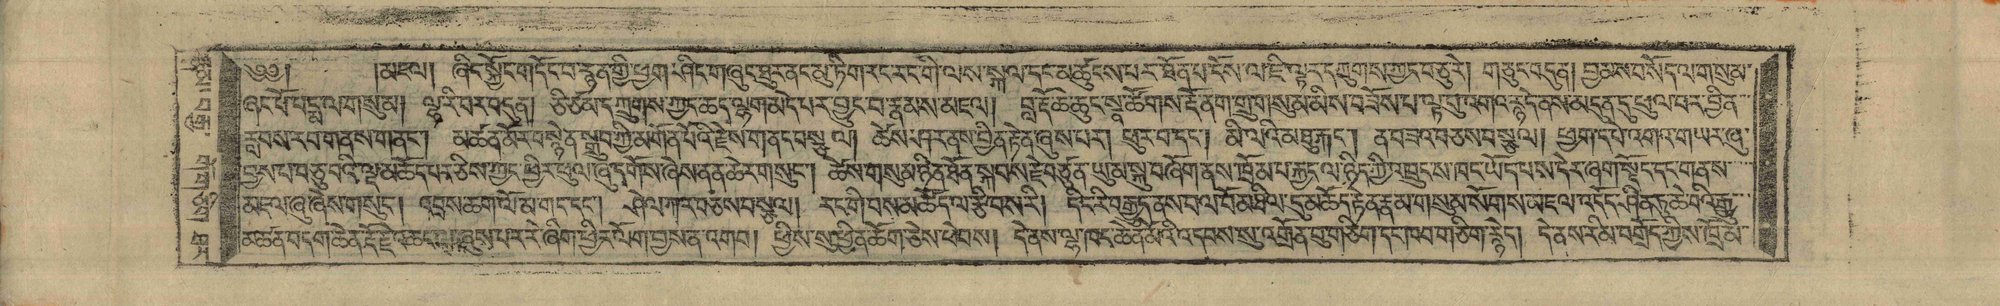༄༅། །མཇལ། ཞིང་སྐྱོང་གདོང་པ་རྙན་གྱི་ཕྱག་ཤིང་གཞུང་ཐུར་ནང་མུ་ཏིག་རང་རང་གི་ལས་སྐལ་དང་མཚུངས་པར་ཐོན་པ་ངོས་ལ་ཇི་ལྟར་དཀྲུགས་ཀྱང་བཅུ་རེ། གཅུང་བདུན། བྱམས་བསོད་ལ་གསུམ་
ཞང་པོ་པདམ་ལ་གསུམ། ལྷ་རི་བར་བདུན། ཅི་ཙམ་དཀྲུགས་ཀྱང་ཆད་ལྷག་མེད་པར་བྱུང་བ་རྣམས་མཇལ། བླ་རྡོ་ཆེ་ཆུང་སྣ་ཚོགས་རྔོ་ནག་གྲུ་གསུམ་མིས་བཟོས་པ་ལྟ་བུ་འགའ་རྙེད་ནས་མདུན་དུ་ཕུལ་བར་བྱིན་
རླབས་རབ་གནས་གནང་། མཚན་མོར་བསྙེན་སྒྲུབ་ཀྱི་མགོན་པོའི་རྗེས་གནང་བསྩལ། ཚེས་ཤར་ནས་བྱིན་རྟེན་ཞུས་པར། ཕུར་བ་དང་། མི་ལའི་མཐུ་རྐང་། ན་བཟའ་བཅས་བསྩལ། ཕྱག་དཔེ་འགའ་གཡར་ཞུ་
བྱས་པ་བཅུ་པའི་ལྔ་མཆོད་པར་ཅིས་ཀྱང་ཕྱིར་ཕུལ་ཞུ་དགོས་ཞེས་ནན་ཆེར་གསུང་། ཚེས་གསུམ་ཉིན་ཐོན་སྐབས་རྗེ་བཙུན་ཡུམ་སྐུ་བཞོག་ནས་ཁྲོམ་པ་རྐྱང་ལ་ཉིད་ཀྱི་འཁྲུངས་ཁང་ཡོད་པས་དེར་ཞག་སྡོང་དང་གནས་
མཇལ་ཞུ་ཞེས་གསུང་། འབྲས་ཆག་ལོ་མ་གང་དང་། ཤེལ་ཀར་བཅས་བསྩལ། རང་གི་བས་མཚོད་ལ་རྩིབས་རི། དིང་རི་བརྒྱུད་ནས་བལ་པོ་མཐིལ་དུ་མཆོད་རྟེན་རྣམ་གསུམ་སོགས་མཇལ་འདོད་ཤིན་ཏུ་ཆེ་བའི་རྒྱུ་
མཚན་བདག་ཆེན་རྡོ་རྗེ་འཆང་ལ་ཞུས་པར་རེ་ཞིག་ཕྱིར་ལོག་བྱས་ན་འགབ། ཕྱིས་སུ་ཕྱིན་ཆོག་ཅེས་ཕེབས། དེ་ནས་ལྷ་ཁང་ཆེན་མོའི་འདབས་སུ་འགྲོན་བུ་གཅིག་དང་ཁབ་གཅིག་རྙེད། དེ་ནས་རིམ་བགྲོད་ཀྱིས་ཁྲོམ་